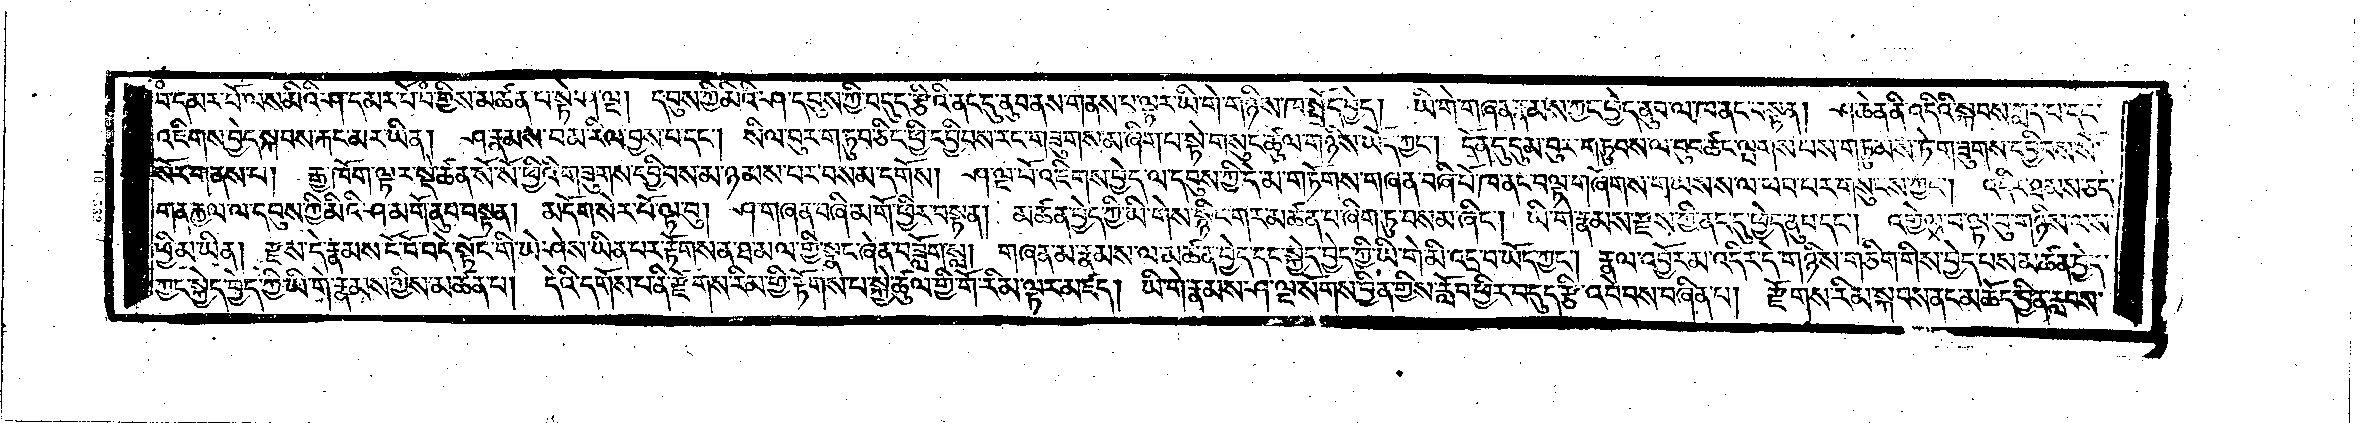བཾ་དམར་པོ་ལས་མིའི་ཤ་དམར་པོ་བཾ་གྱིས་མཚན་བ་སྟེ་ཤ་ལྔ། དབུས་ཀྱི་མིའི་ཤ་དབུས་ཀྱི་བདུད་རྩིའི་ནང་དུ་ནུབ་ནས་གནས་པ་ལྟར་ཡི་གེ་གཉིས་ཁ་སྤྲོད་བྱེད། ཡི་གེ་གཞན་རྣམས་ཀྱང་ཕྱེད་ནུབ་ལ་ཁ་ནང་བསྟན། ཤ་ཆེན་ནི་འདིའི་སྐབས་ཀླད་པ་དང་
འཇིགས་བྱེད་སྐབས་རྐང་མར་ཡིན། ཤ་རྣམས་པ་མ་རིལ་བྱས་པ་དང་། སིལ་བུར་གཏུབ་ཅིང་ཕྱི་དབྱིབས་རང་གཟུགས་མ་ཞིག་པ་སྟེ་གསུང་ཚུལ་གཉིས་ཡོད་ཀྱང་། དོན་དུ་དུམ་བུར་གཏུབས་ལ་བུབ་ཚད་ལྤགས་པས་གཏུམས་ཏེ་གཟུགས་དབྱིབས་སོ་
སོར་གནས་པ། རྒྱ་ཁོག་ལྟར་སྡེ་ཚན་སོ་སོ་ཕྱིའི་གཟུགས་དབྱིབས་མ་ཉམས་པར་བསམ་དགོས། ཤ་ལྔ་པོ་འཇིགས་བྱེད་ལ་དབུས་ཀྱི་དེ་མ་གཏོགས་གཞན་བཞི་པོ་ཁ་ནང་བལྟ་གཞོགས་གཡས་ས་ལ་ཕབ་པར་གསུངས་ཀྱང་། འདིར་ཐམས་ཅད་
གན་རྐྱལ་ལ་དབུས་ཀྱི་མིའི་ཤ་མགོ་ནུབ་བསྟན། མདོག་སེར་པོ་ལྟ་བུ། ཤ་གཞན་བཞི་མགོ་ཕྱིར་བསྟན། མཚན་བྱེད་ཀྱི་ཡི་གེས་སྙིང་གར་མཚན་བ་ཞིག་ཏུ་བསམ་ཞིང་། ཡི་གེ་རྣམས་རྫས་ཀྱི་ནང་དུ་ཕྱེད་ནུབ་དང་། འགྱེལ྾་བ་ལྟ་བུ་གཉིས་ལས་
ཕྱི་མ་ཡིན། རྫས་དེ་རྣམས་ངོ་བོ་བདེ་སྟོང་གི་ཡེ་ཤེས་ཡིན་པར་རྟོགས་ན་ཐ་མལ་གྱི་སྣང་ཞེན་བཟློག་སླ། གཞན་མ་རྣམས་ལ་མཚན་བྱེད་དང་སྐྱེད་བྱེད་ཀྱི་ཡི་གེ་མི་འདྲ་བ་ཡོད་ཀྱང་། རྣལ་འབྱོར་མ་འདིར་དེ་གཉིས་གཅིག་གིས་བྱེད་པས་མཚན་བྱེད་
ཀྱང་སྐྱེད་བྱེད་ཀྱི་ཡི་གེ་རྣམས་ཀྱིས་མཚན་པ། དེའི་དགོས་པ་ནི་རྫོགས་རིམ་གྱི་རྟོགས་པ་སྐྱེ་ཚུལ་གྱི་གོ་རིམ་ལྟར་མཛད། ཡི་གེ་རྣམས་ཤ་ལྔ་སོགས་བྱིན་གྱིས་རློབ་ཕྱིར་བདུད་རྩི་འབེབས་བཞིན་པ། རྫོགས་རིམ་སྐབས་ནང་མཆོད་བྱིན་རླབས་